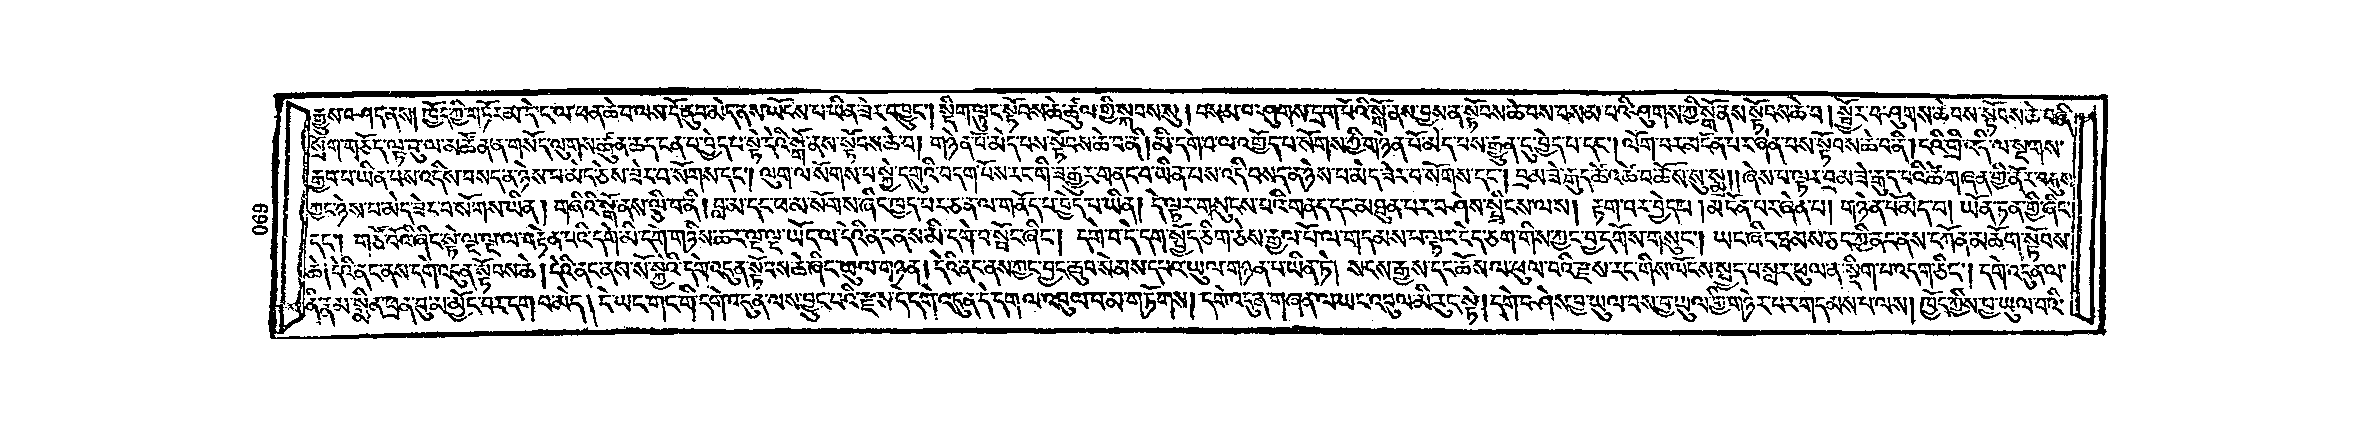རྒྱུས་བཤད་ནས། ཁྱོད་ཀྱི་གཏོར་མ་དེ་ང་ལ་ཕན་ཆེ་བ་ལས་དོ་ནུབ་མེད་ནས་ཡོངས་པ་ཡིན་ཟེར་བ་བྱུང་། སྡིག་ལྟུང་སྟོབས་ཆེ་ཚུལ་གྱི་སྐབས་སུ། བསམ་པ་ཤུགས་དྲག་པོའི་སྒོ་ནས་བྱས་ན་སྟོབས་ཆེ་བས་བསམ་པའི་ཤུགས་ཀྱི་སྒོ་ནས་སྟོབས་ཆེ་བ། སྦྱོར་བ་ཤུགས་ཆེ་བས་སྟོབས་ཆེ་བཞི་
སྲོག་གཅོད་ལྟ་བུ་ལ་མཚོན་ན་གསོད་ལུགས་ཚུན་ཆད་ངན་པ་བྱེད་པ་སྟེ་དེའི་སྒོ་ནས་སྟོབས་ཆེ་བ། གཉེན་པོ་མེད་པས་སྟོབས་ཆེ་བ་ནི། མི་དགེ་བ་ལ་འགྱོད་པ་སོགས་ཀྱི་གཉེན་པོ་མེད་པས་རྒྱུན་དུ་བྱེད་པ་དང་། ལོག་པར་མངོན་པར་ཞེན་པས་སྟོབས་ཆེ་བ་ནི། དའི་གྲི་འདི་ལ་སྔགས་
རྒྱབ་པ་ཡིན་པས་འདིས་བསད་ན་ཉེས་པ་མེད་ཅེས་ཟེར་བ་སོགས་དང་། ལུག་ལ་སོགས་པ་སྐྱེ་དགུའི་བདག་པོས་རང་གི་ཟ་རྒྱུར་གནང་བ་ཡིན་པས་འདི་བསད་ན་ཉེས་པ་མེད་ཟེར་བ་སོགས་དང་། བྲམ་ཟེ་རྒུད་ཚེ་འཚེ་བ་ཆོས་སུ་སྨྲ། །ཞེས་པ་ལྟར་བྲམ་ཟེ་རྒུད་པའི་ཚེ་གཞན་གྱི་ནོར་བརྐུས་
ཀྱང་ཉེས་པ་མེད་ཟེར་བ་སོགས་ཡིན། གཞིའི་སྒོ་ནས་ལྕི་བ་ནི། བླ་མ་དང་ཕ་མ་སོགས་ཞིང་ཁྱད་པར་ཅན་ལ་གནོད་པ་བྱེད་པ་ཡིན། དེ་ལྟར་གསུངས་པའི་གནད་དང་མཐུན་པར་བཤེས་སྤྲིངས་ལས། རྟག་པར་བྱེད་པ། མངོན་པར་ཞེན་པ། གཉེན་པོ་མེད་པ། ཡོན་ཏན་གྱི་ཞིང་
དང་། གཙོ་བོའི་ཞིང་སྟེ་ལྔ་ལྔ། ལ་བརྟེན་པའི་དགེ་མི་དགེ་གཉིས་ཆར་ལྔ་ལྔ་ཡོད་ལ་དེའི་ནང་ནས་མི་དགེ་བ་སྦོང་ཞིང་། དགེ་བ་དེ་དག་སྤྱོད་ཅིག་ཅེས་རྒྱལ་པོ་ལ་གདམས་པ་ལྟར་ངེད་ཅག་གིས་ཀྱང་བྱ་དགོས་གསུང་། ཡང་ཞིང་ཐམས་ཅད་ཀྱི་ནང་ནས་དཀོན་མཆོག་སྟོབས་
ཆེ། དེའི་ནང་ནས་དགེ་འདུན་སྟོབས་ཆེ། དེའི་ནང་ནས་སོ་སྐྱེའི་དགེ་འདུན་སྟོབས་ཆེ་ཞིང་ཡུལ་གཉན། དེའི་ནང་ནས་ཀྱང་བྱང་ཆུབ་སེམས་དཔའ་ཡུལ་གཉན་པ་ཡིན་ཏེ། སངས་རྒྱས་དང་ཆོས་ལ་ཕུལ་བའི་རྫས་རང་གིས་ལོངས་སྤྱད་པ་སླར་ཕུལ་ན་སྡིག་པ་འདག་ཅིང་། དགེ་འདུན་ལ་
ནི་རྣམ་སྨིན་ཕྲན་བུ་མ་མྱོང་བར་དག་པ་མེད། དེ་ཡང་གང་གི་དགེ་འདུན་ལས་བྱུང་པའི་རྫས་དེ་དགེ་འདུན་དེ་དག་ལ་འབུལ་བ་མ་གཏོགས། དགེ་འདུན་གཞན་ལ་ཡང་འབུལ་མི་རུང་སྟེ། དགེ་བཤེས་བྱ་ཡུལ་བས་བྱ་ཡུལ་གྱི་གཉེར་པར་གདམས་པ་ལས། ཁྱོད་ཀྱིས་བྱ་ཡུལ་བའི་